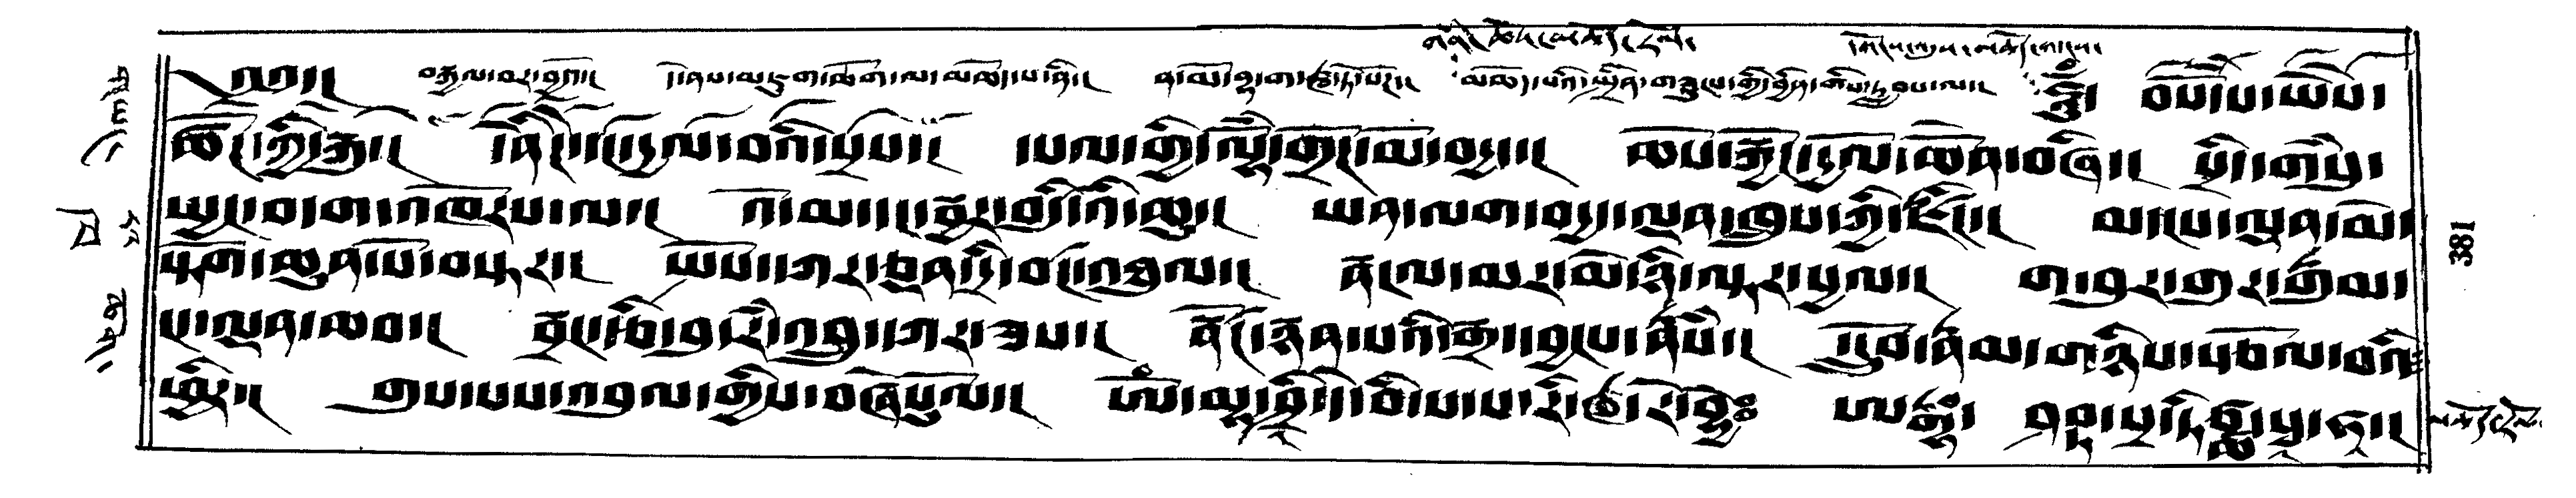བསྐྱལ་བར་བྱའོ།། དེ་ནས་མཇུག་ཆོག་ལ་མཆོད་པ་ནི། ན་མོ་བྷ་ག་ཝ་ཏེ་སོགས། །མཆོད་པའི་སྤྲིན་གཟུངས་ཀྱི་བྱིན་གྱིས་བརློབས་ལ། ཧཱུྃ། བསོད་ནམས་ཡེ་ཤེས་
ཚོགས་ཀྱི་སྐུ། །དེ་བཞིན་གཤེགས་དང་རྒྱལ་བའི་སྲས། །དཔལ་གྱི་ལྷ་མོ་གྲོགས་མོ་བརྒྱད། །ཆོས་སྐྱོང་རྒྱལ་པོ་ཆེན་པོ་བཞི། སྲིད་གསུམ་
གཡང་བདག་འཁོར་བཅས་ལ། །འོ་མ་དང་སྦྱར་བདུད་རྩིའི་ཆུ། །ཡན་ལག་བརྒྱད་ལྡན་ཁྲུས་ཀྱི་རྫིང་། །མདངས་ལྡན་མེ་
ཏོག་ཆུན་པོ་བསྟར། །སྤོས་དཀར་ཙན་དན་དྲི་བཟང་འཐུལ། །སྣང་གསལ་མར་མེ་ཉི་ལྟར་གསལ། །ག་བུར་གུར་གུམ་
ངད་ལྡན་ཆབ། །སྦྲང་རྩི་བུ་རམ་འབྲུ་དཀར་ཟས། །སྣ་ཚོགས་སྙན་པའི་སྒྲ་དབྱངས་རྣམས། །དངོས་གྲུབ་རྣམ་གཉིས་སྩོལ་བའི་
ཕྱིར། །གུས་པས་འབུལ་གྱིས་བཞེས་སུ་གསོལ།། ཨོཾ་མ་ཧཱཿཤྲཱི་དེ་བི་ས་པ་རི་ཝ་རེ་བྷྱེཿ ཨརྒྷཾ་ནས། ཤབྟ་པྲ་ཏིཙྪ་སྭ་ཧཱ།